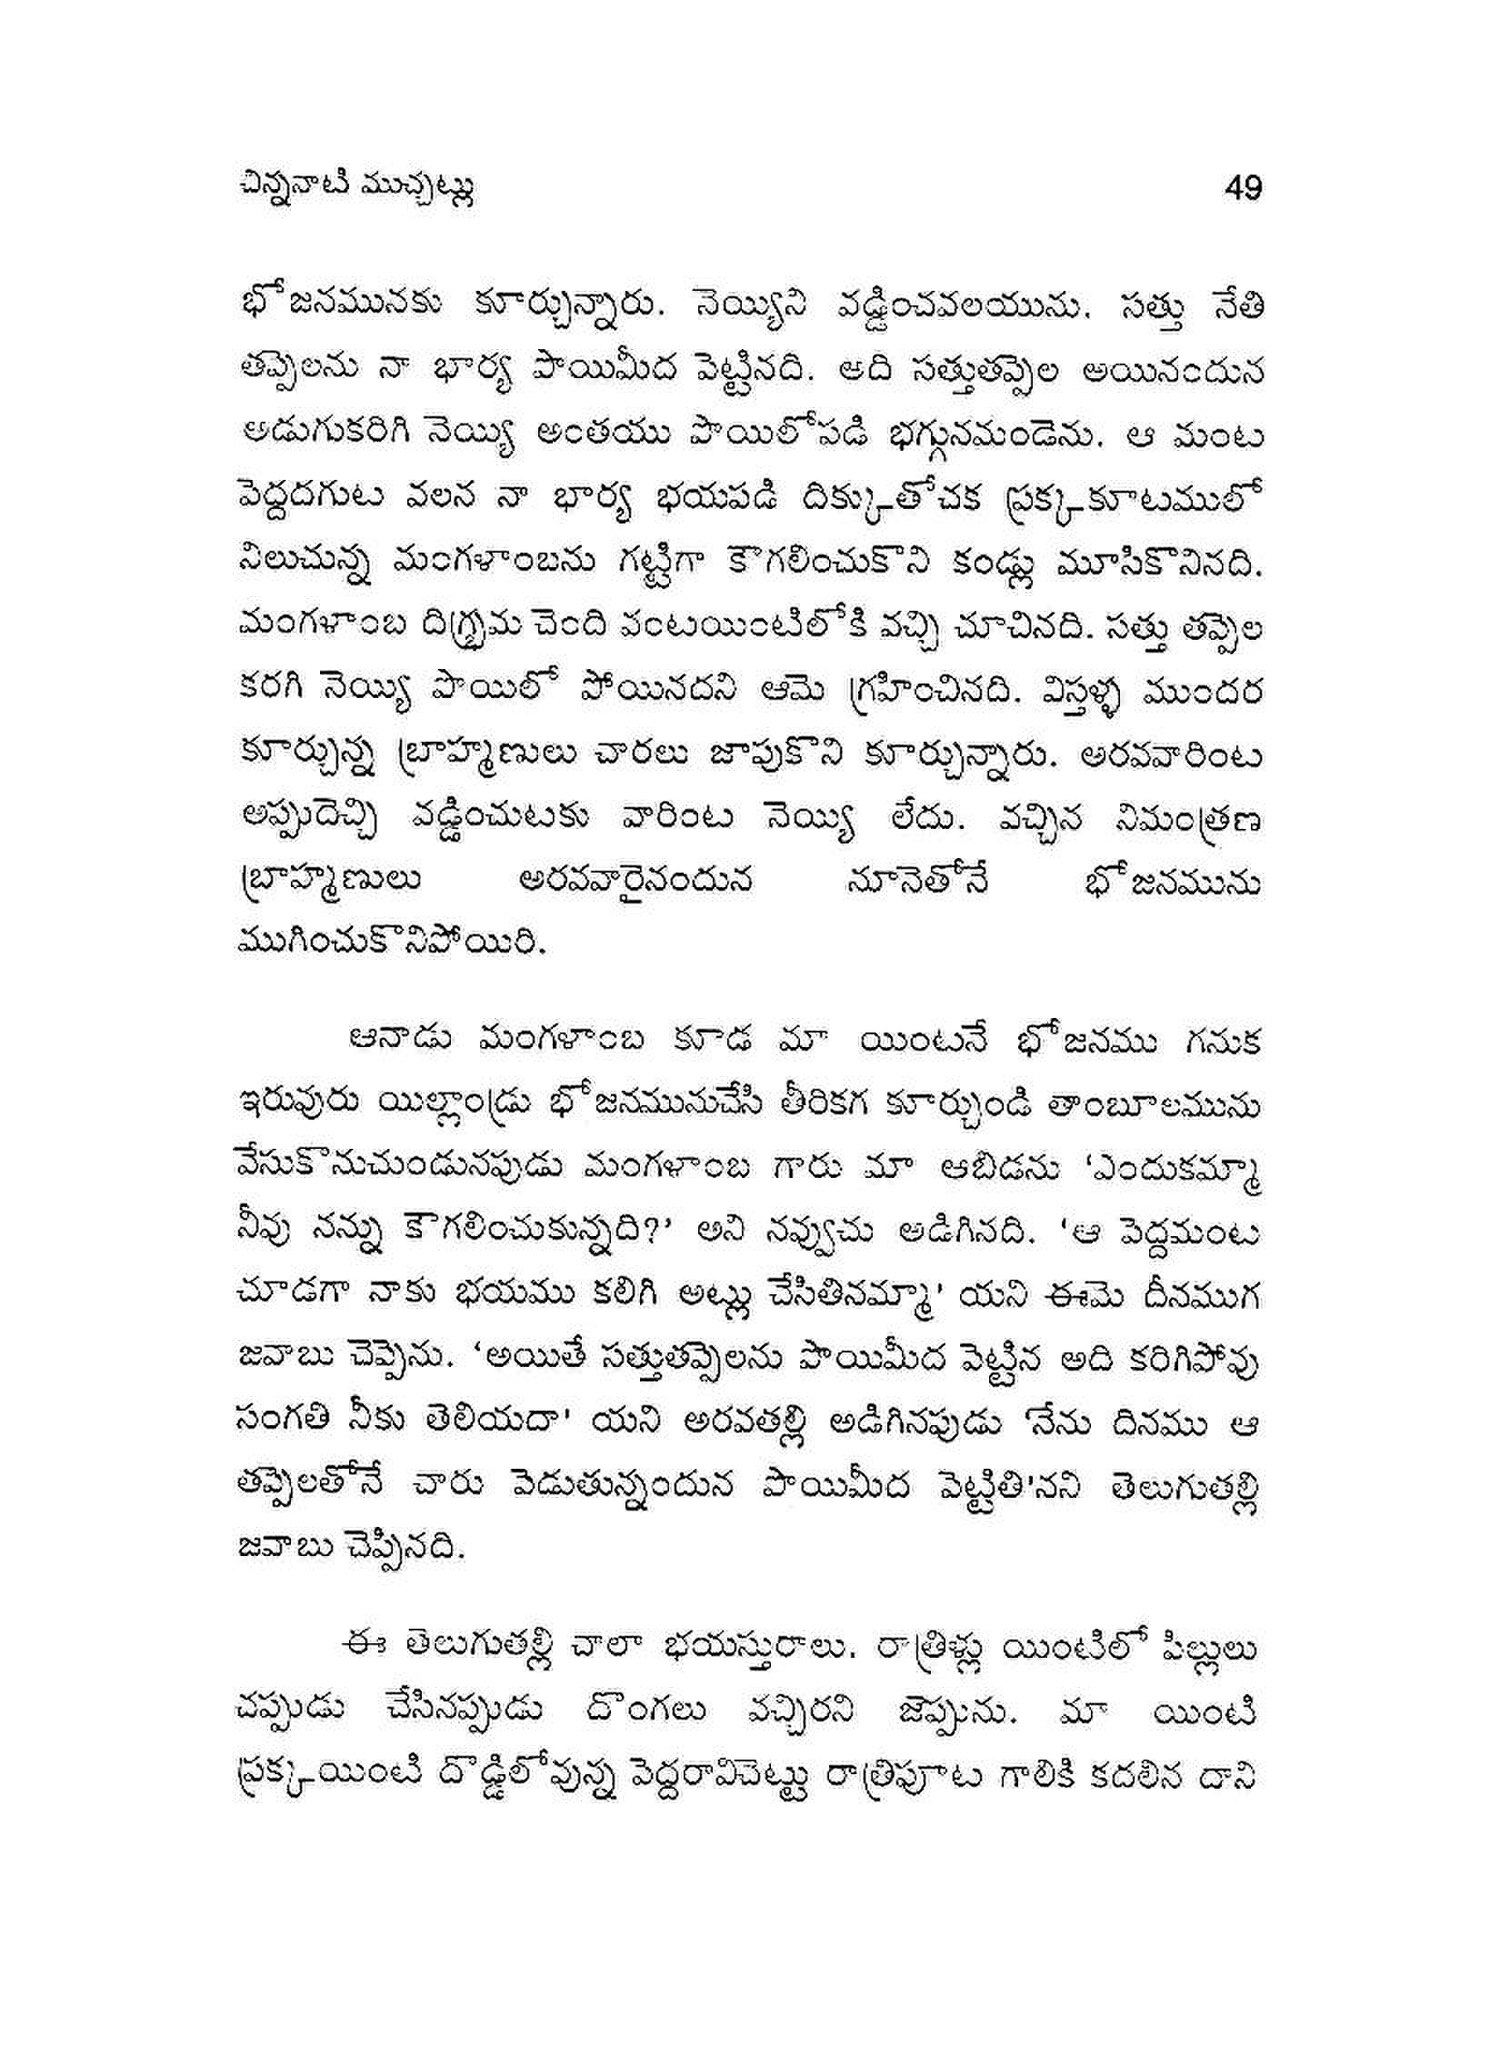భోజనమునకు కూర్చున్నారు. నెయ్యిని వడ్డించవలయును. సత్తు నేతి తప్పెలను నా భార్య పొయిమీద పెట్టినది. అది సత్తుతప్పెల అయినందున అడుగుకరిగి నెయ్యి అంతయు పొయిలో పడి భగ్గునమండెను. ఆ మంట పెద్దదగుట వలన నా భార్య భయపడి దిక్కుతోచక ప్రక్కకూటములో నిలుచున్న మంగళాంబను గట్టిగా కౌగలించుకొని కండ్లు మూసికొనినది. మంగళాంబ దిగ్భ్రమ చెంది వంటయింటిలోకి వచ్చి చూచినది. సత్తు తప్పెల కరగి నెయ్యి పొయిలో పోయినదని ఆమె గ్రహించినది. విస్తళ్ళ ముందర కూర్చున్న బ్రాహ్మణులు చారలు జాపుకొని కూర్చున్నారు. అరవవారింట అప్పుదెచ్చి వడ్డించుటకు వారింట నెయ్యి లేదు. వచ్చిన నిమంత్రణ బ్రాహ్మణులు అరవవారైనందున నూనెతోనే భోజనమును ముగించుకొనిపోయిరి.

ఆనాడు మంగళాంబ కూడ మా యింటనే భోజనము గనుక ఇరువురు యిల్లాండ్రు భోజనమునుచేసి తీరికగ కూర్చుండి తాంబూలమును వేసుకొనుచుండునపుడు మంగళాంబ గారు మా ఆబిడను 'ఎందుకమ్మా నీవు నన్ను కౌగలించుకున్నది?' అని నవ్వుచు అడిగినది. 'ఆ పెద్దమంట చూడగా నాకు భయము కలిగి అట్లు చేసితినమ్మా' యని ఈమె దీనముగ జవాబు చెప్పెను. 'అయితే సత్తు తప్పెలను పొయిమీద పెట్టిన అది కరిగిపోవు సంగతి నీకు తెలియదా' యని అరవతల్లి అడిగినపుడు 'నేను దినము ఆ తప్పెలతోనే చారు పెడుతున్నందున పొయిమీద పెట్టితి'నని తెలుగుతల్లి జవాబు చెప్పినది.

ఈ తెలుగుతల్లి చాలా భయస్తురాలు. రాత్రిళ్ళు యింటిలో పిల్లులు చప్పుడు చేసినప్పుడు దొంగలు వచ్చిరని జెప్పును. మా యింటి ప్రక్కయింటి దొడ్డిలోవున్న పెద్దరావిచెట్టు రాత్రిపూట గాలికి కదలిన దాని